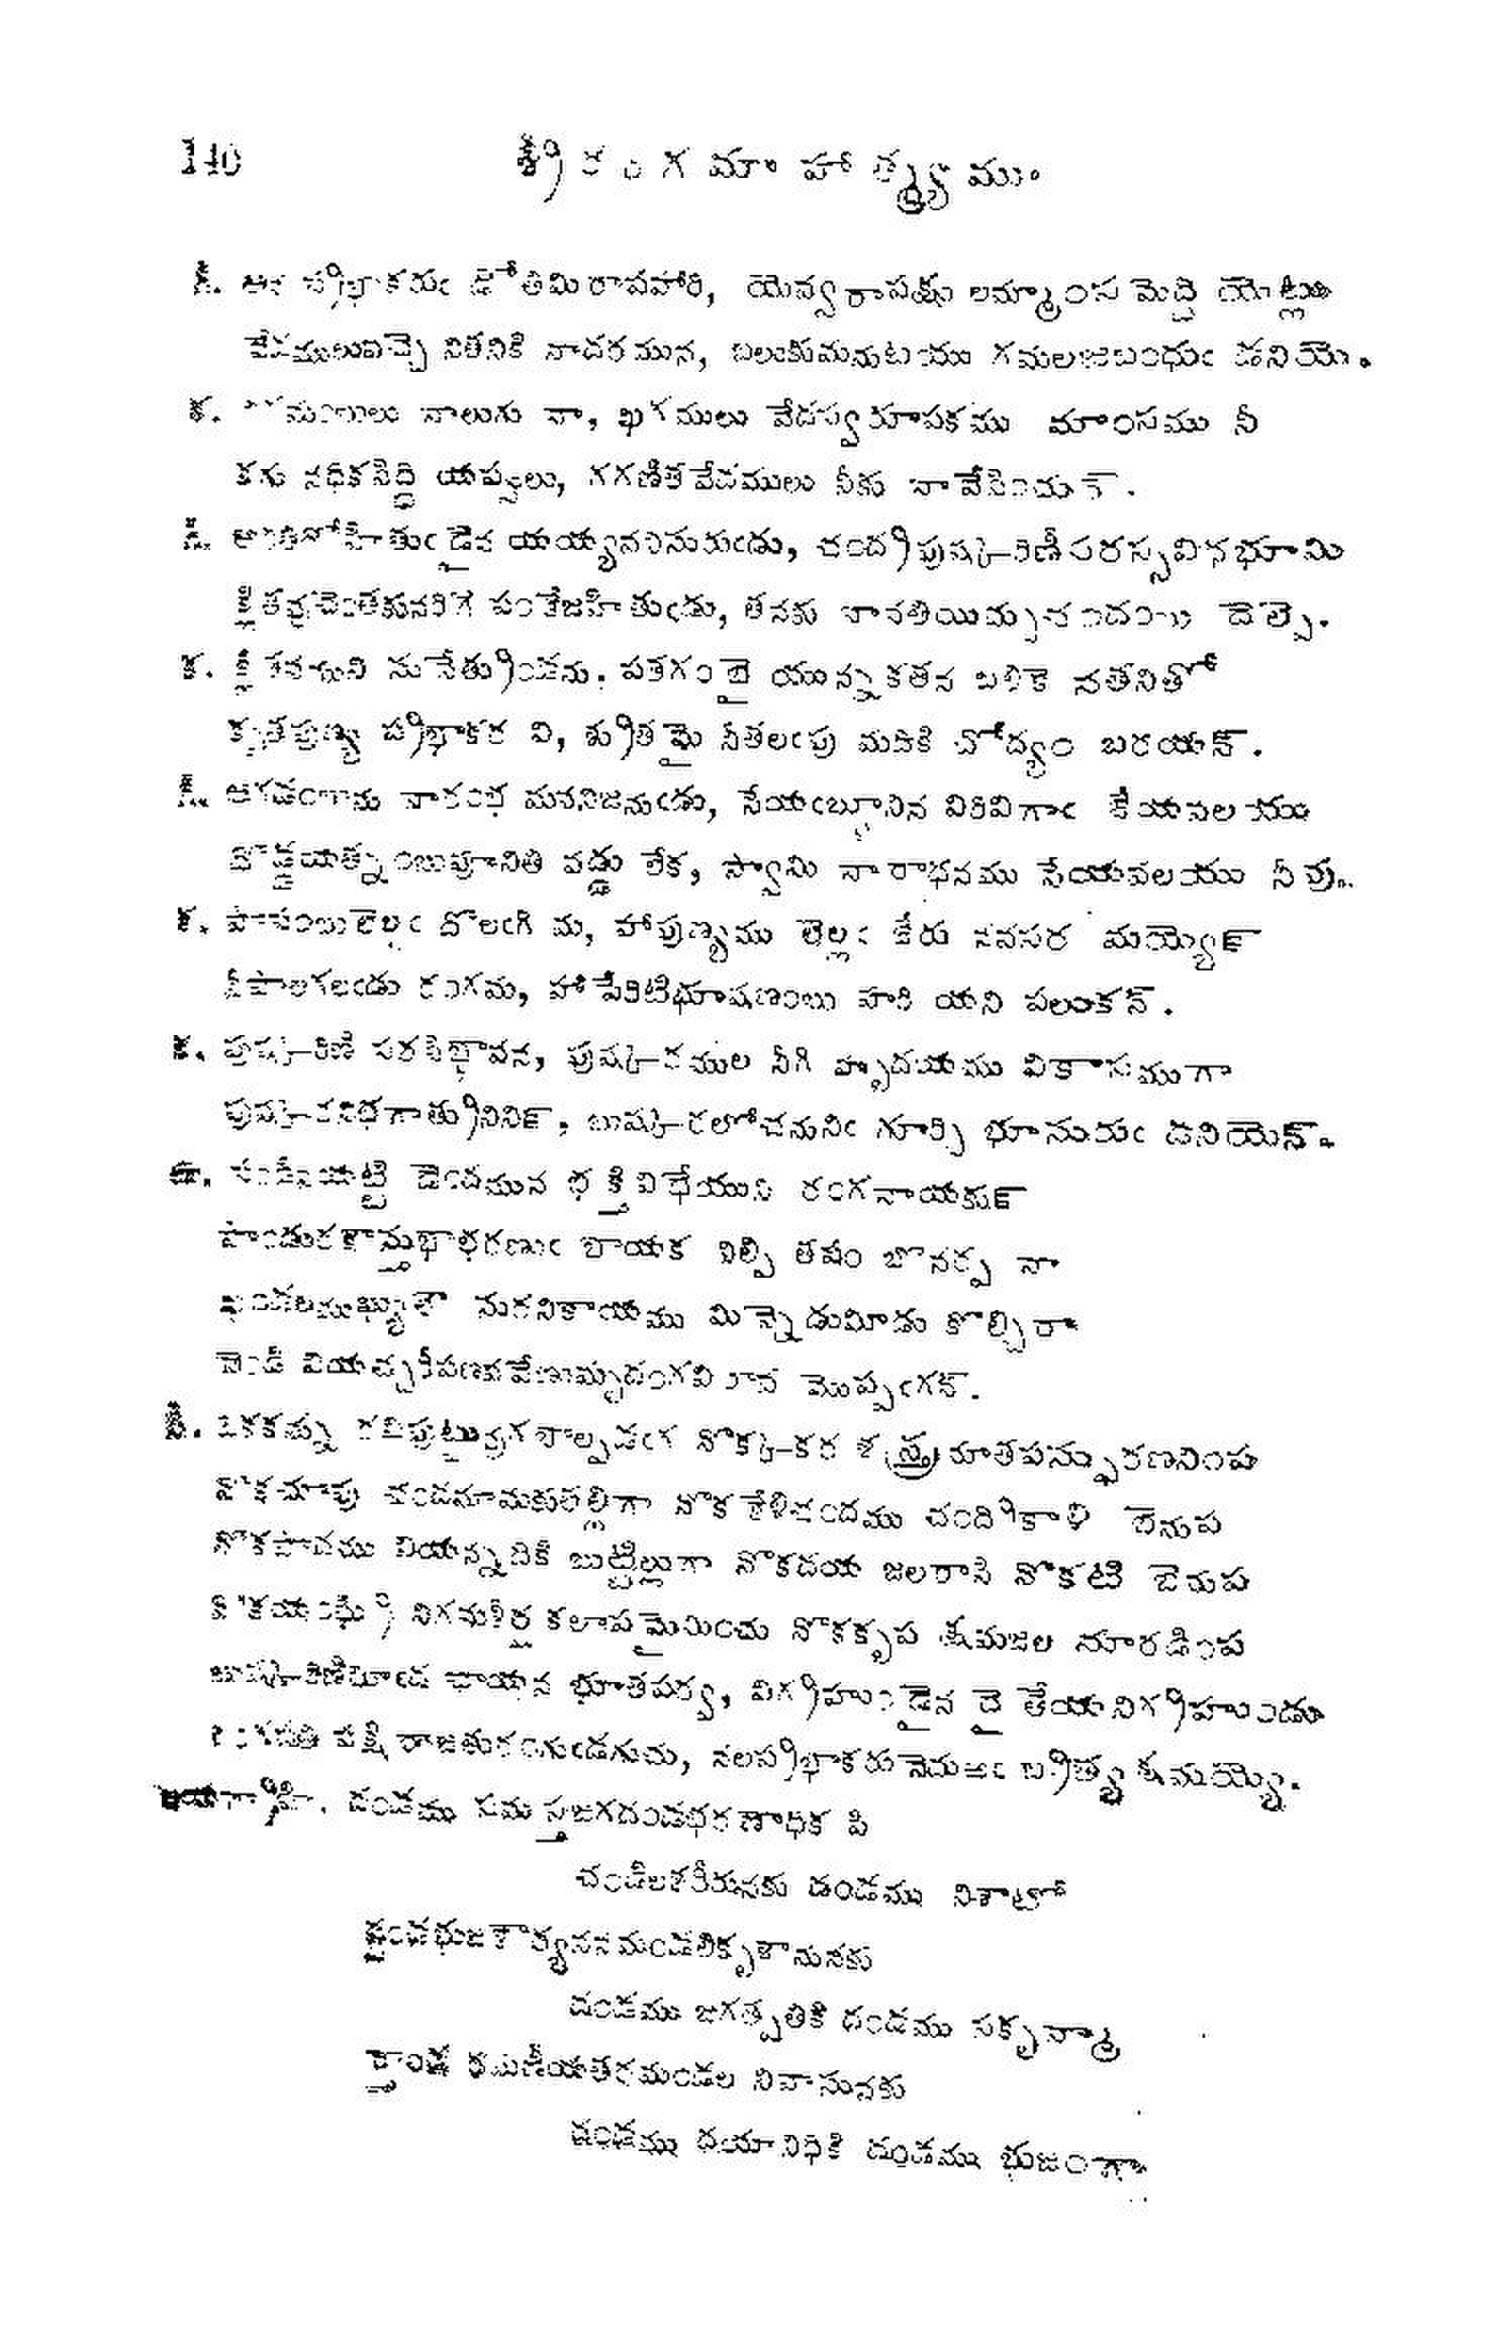గీ. అన ప్రభాకరుఁ డో తిమిరాపహారి, యెవ్వ రాపక్షు లమ్మాంస మెద్ది యెట్లు
 వేదములు వచ్చె నితనికి నాదరమున, బలుకుమనుటయు గమలజబంధుఁ డనియె.
క. నిగమంబులు నాలుగు నా, ఖగములు వేదస్వరూపకము మాంసము నీ
 కగు నధికసిద్ధి యప్పులు, గగణితవేదములు నీకు నావేసించున్.
గీ. అనితిరోహితుఁడైన యయ్యవనిసురుఁడు, చంద్రపుష్కరిణీసరస్సవిధభూమి
 క్లితవుచెంతకు నరిగె పంకేజహితుఁడు, తనకు నానతియిచ్చుచందంబు దెల్పె.
క. క్లితవముని సునేత్రుండను, పతగంబై యున్నకతన బలికె నతనితో
 కృతపుణ్య ప్రభాకర వి, శ్రుతమై నీతలఁపు మదికి చోద్యం బరయన్.
గీ. ఆగదంబును నారంభ మవనిజనుఁడు, సేయఁబూనిన విరివిగాఁ జేయవలయు
 దొడ్డయత్నంబు పూనితి వడ్డు లేక , స్వామి నారాధనము సేయవలయు నీవు.
క. పాపంబులెల్లఁ దొలఁగి మ, హాపుణ్యము లెల్లఁ జేరు నవసర మయ్యెన్
 నీపాలగలఁడు రంగమ, హాపేరిటిభూషణంబు హరి యని పలుకన్.
క. పుష్కరిణి సరసిభావన, పుష్కరముల నీగి హృదయము వికాసముగా
 పుష్పరనిభగాత్రునినిన్, బుష్కరలోచనునిఁ గూర్చి భూసురుఁ డనియెన్.
ఉ. పండినయట్టి డెందమున భక్తివిధేయుని రంగనాయకున్
 పాండురకౌస్తుభాభరణుఁ బాయక నిల్పి తపం బొనర్ప నా
 ఖండలముఖ్యులౌ సురనికాయము మిన్నెడుమీడు కొల్చిరా
 వెండి వియచ్చరీపణవవేణుమృదంగవిరావ మొప్పఁగన్.
సీ. ఒకకన్ను రవిపుట్టువుగ బాల్పడఁగ నొక్కకర శస్త్రమాతపస్ఫురణనింప
 నొకచూపు చందమామకుతల్లిగా నొకకేళిచందము చంద్రికాళి బెనుప
 నొకజపాదము వియన్నదికి బుట్టిల్లుగా నొకదయ జలరాసి నొకటి బెనుప
 నొకయంఘ్రి నిగమశీర్షకలాపమై మించు నొకకృప క్షమజల నూరడింప
 బుష్కరిణిమీఁద ఛాయన భూతపర్వ, విగ్రహుండైన దైతేయనిగ్రహుండు
 రంగపతి పక్షిరాజతురంగుఁ డగుచు, నలప్రభాకరునెదుఱఁ బ్రత్యక్షమయ్యె.
లయగ్రాహి. దండము సమస్తజగదండభరణాధిక పి
 చండిలశరీరునకు దండము నిశాటో
 ద్దండభుజశౌర్యవనమండలకృశానునకు
 దండము జగత్పతికి దండము సకృన్మా
 ర్తాండరమణీయతరమండలనివాసునకు
 దండము దయానిధికి దండము భుజంగా